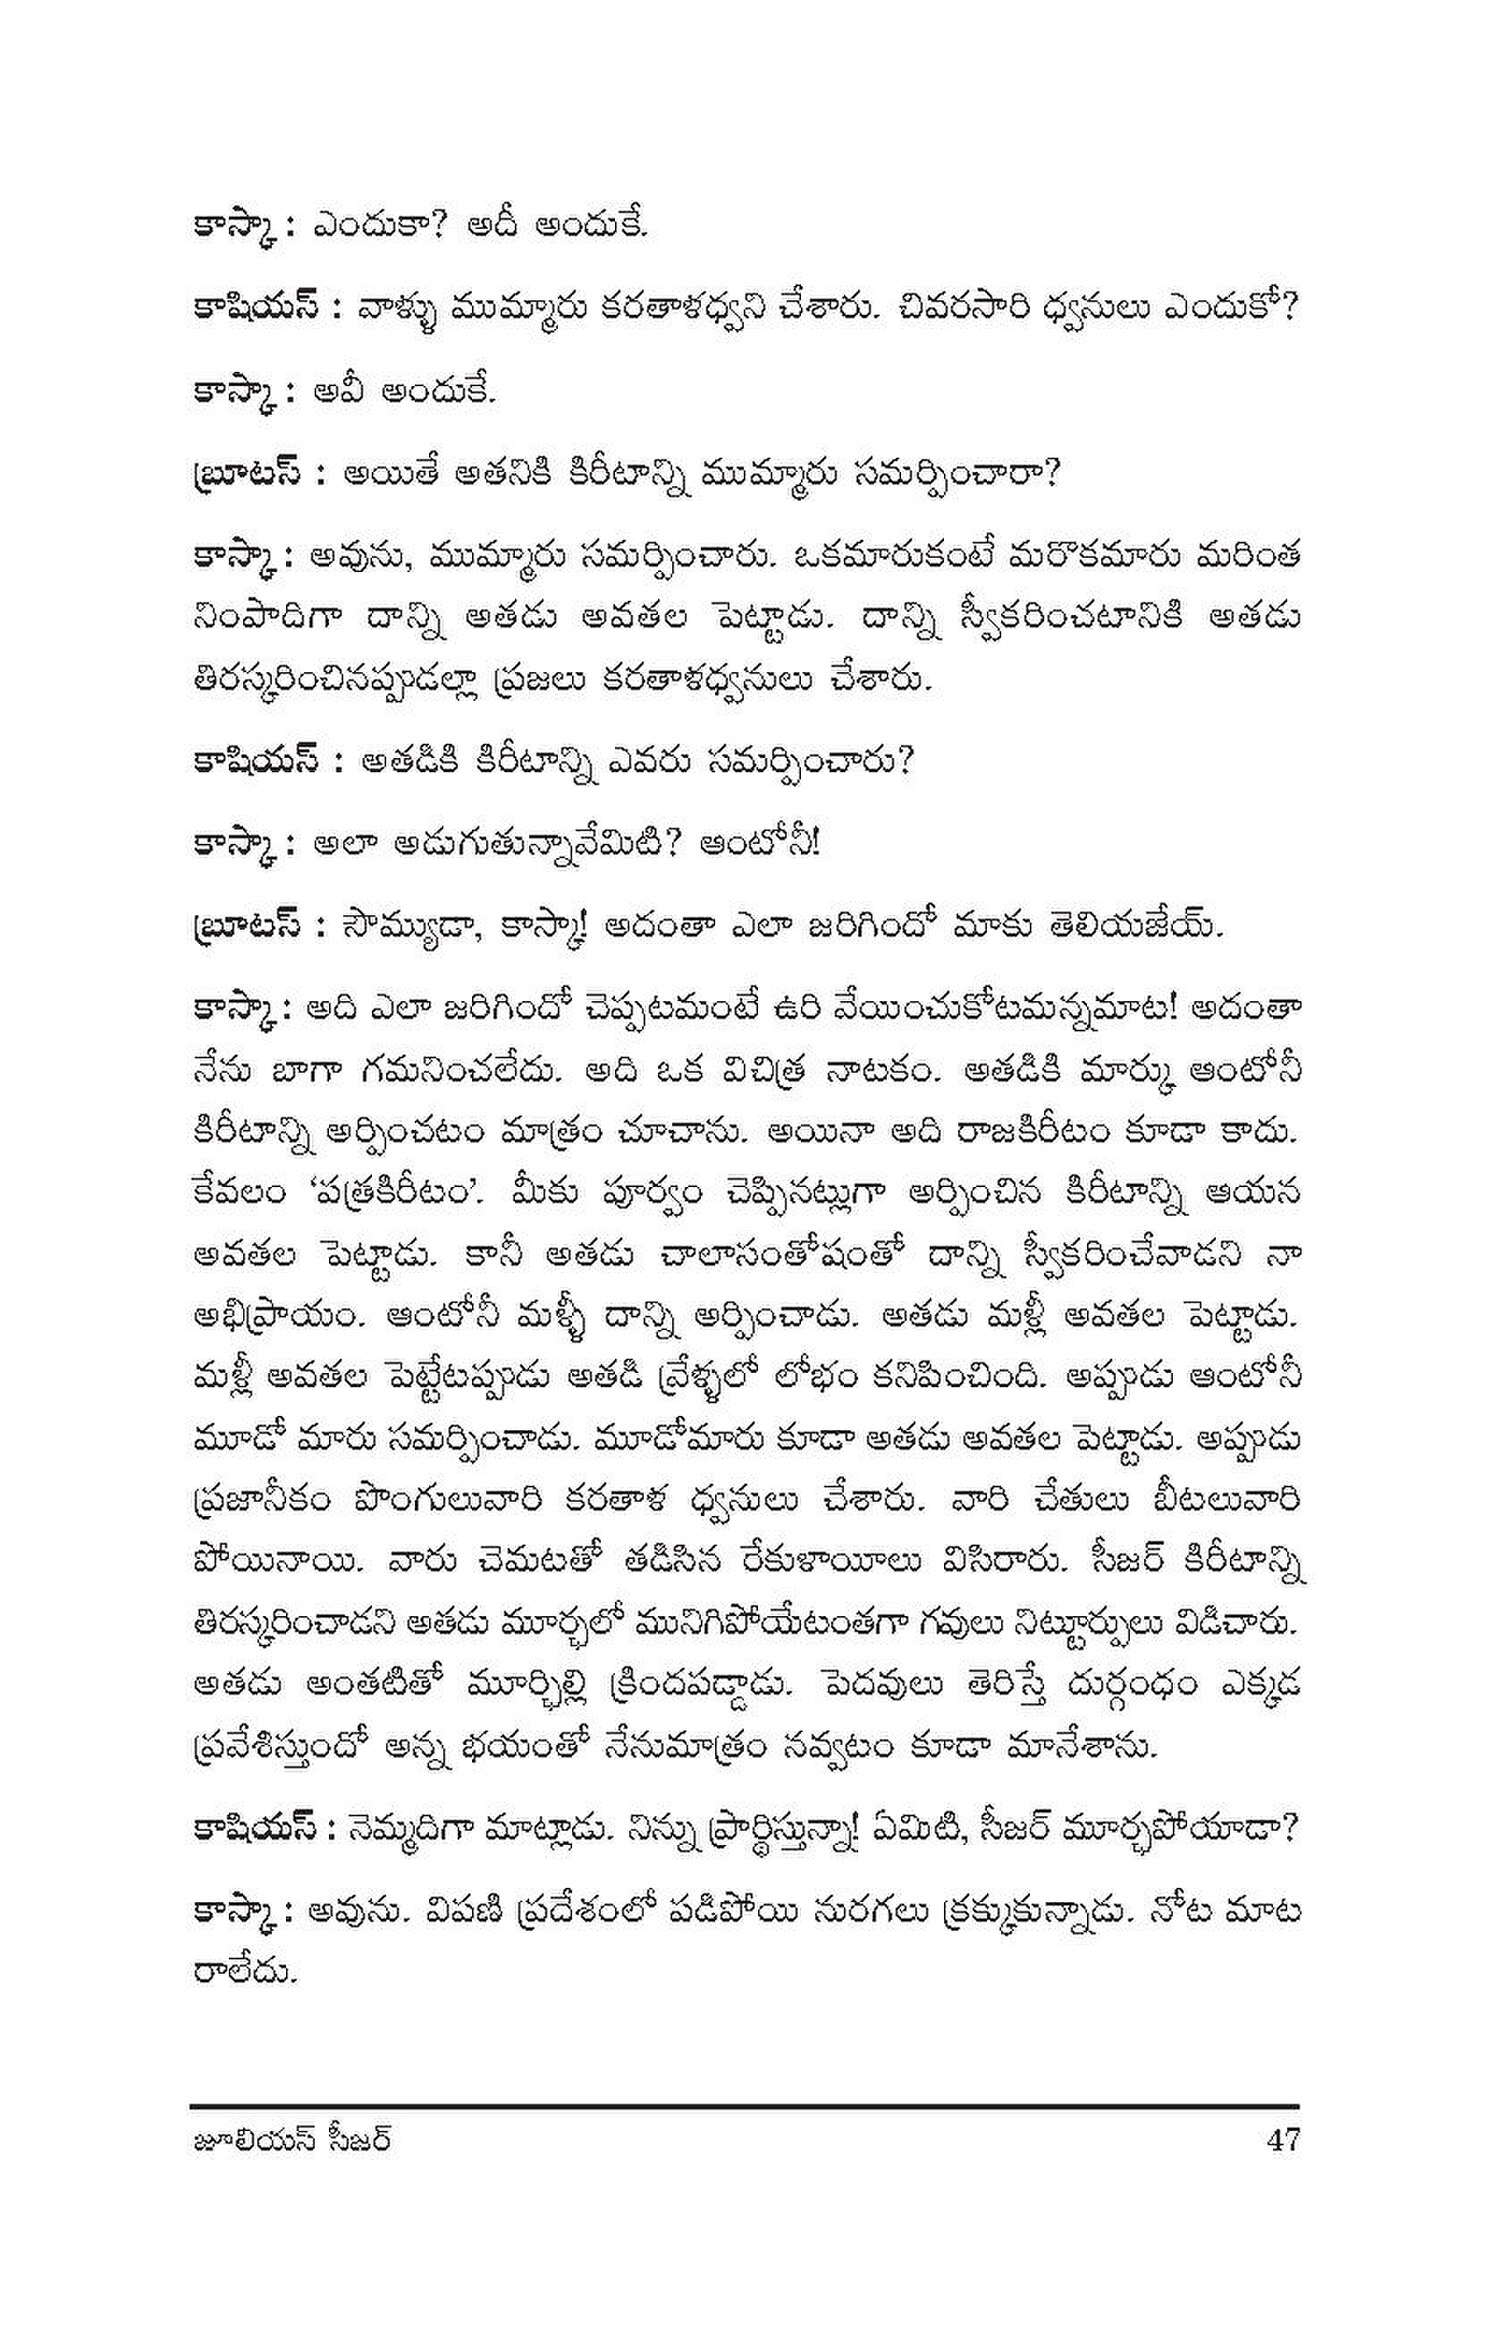కాస్కా: ఎందుకా? అదీ అందుకే.

కాషియస్ : వాళ్ళు ముమ్మారు కరతాళధ్వని చేశారు. చివరిసారి ధ్వనులు ఎందుకో?

కాస్కా : అవీ అందుకే.

బ్రూటస్ : అయితే అతనికి కిరీటాన్ని ముమ్మారు సమర్పించారా?

కాస్కా : అవును, ముమ్మారు సమర్పించారు. ఒకమారుకంటే మరొకమారు మరింత నింపాదిగా దాన్ని అతడు అవతల పెట్టాడు. దాన్ని స్వీకరించటానికి అతడు తిరస్కరించినప్పుడల్లా ప్రజలు కరతాళధ్వనులు చేశారు.

కాషియస్ : అతడికి కిరీటాన్ని ఎవరు సమర్పించారు?

కాస్కా : అలా అడుగుతున్నావేమిటి? ఆంటోనీ!

బ్రూటస్ : సౌమ్యుడా, కాస్కా! అదంతా ఎలా జరిగిందో మాకు తెలియజేయ్.

కాస్కా : అది ఎలా జరిగిందో చెప్పటమంటే ఉరి వేయించుకోటమన్నమాట! అదంతా నేను బాగా గమనించలేదు. అది ఒక విచిత్ర నాటకం. అతడికి మార్కు ఆంటోనీ కిరీటాన్ని అర్పించటం మాత్రం చూచాను. అయినా అది రాజకిరీటం కూడా కాదు. కేవలం 'పత్రికిరీటం'. మీకు పూర్వం చెప్పినట్లుగా అర్పించిన కిరీటాన్ని ఆయన అవతల పెట్టాడు. కానీ అతడు చాలాసంతోషంతో దాన్ని స్వీకరించేవాడని నా అభిప్రాయం. ఆంటోనీ మళ్ళీ దాన్ని అర్పించాడు. అతడు మళ్లీ అవతల పెట్టాడు. మళ్లీ అవతల పెట్టేటప్పుడు అతడి వ్రేళ్ళలో లోభం కనిపించింది. అప్పుడు ఆంటోనీ మూడో మారు సమర్పించాడు. మూడోమారు కూడా అతడు అవతల పెట్టాడు. అప్పుడు ప్రజానీకం పొంగులువారి కరతాళ ధ్వనులు చేశారు. వారి చేతులు బీటలువారి పోయినాయి. వారు చెమటతో తడిసిన రేకుళాయిలు విసిరారు. సీజర్ కిరీటాన్ని
తిరస్కరించాడని అతడు మూర్ఛలో మునిగిపోయేటంతగా గవులు నిట్టూర్పులు విడిచారు. అతడు అంతటితో మూర్ఛిల్లి క్రిందపడ్డాడు. పెదవులు తెరిస్తే దుర్గంధం ఎక్కడ ప్రవేశిస్తుందో అన్న భయంతో నేనుమాత్రం నవ్వటం కూడా మానేశాను.

కాషియస్ : నెమ్మదిగా మాట్లాడు. నిన్ను ప్రార్థిస్తున్నా! ఏమిటి, సీజర్ మూర్ఛపోయాడా?

కాస్కా : అవును. విపణి ప్రదేశంలో పడిపోయి నురగలు కక్కుకున్నాడు. నోట మాట రాలేదు.